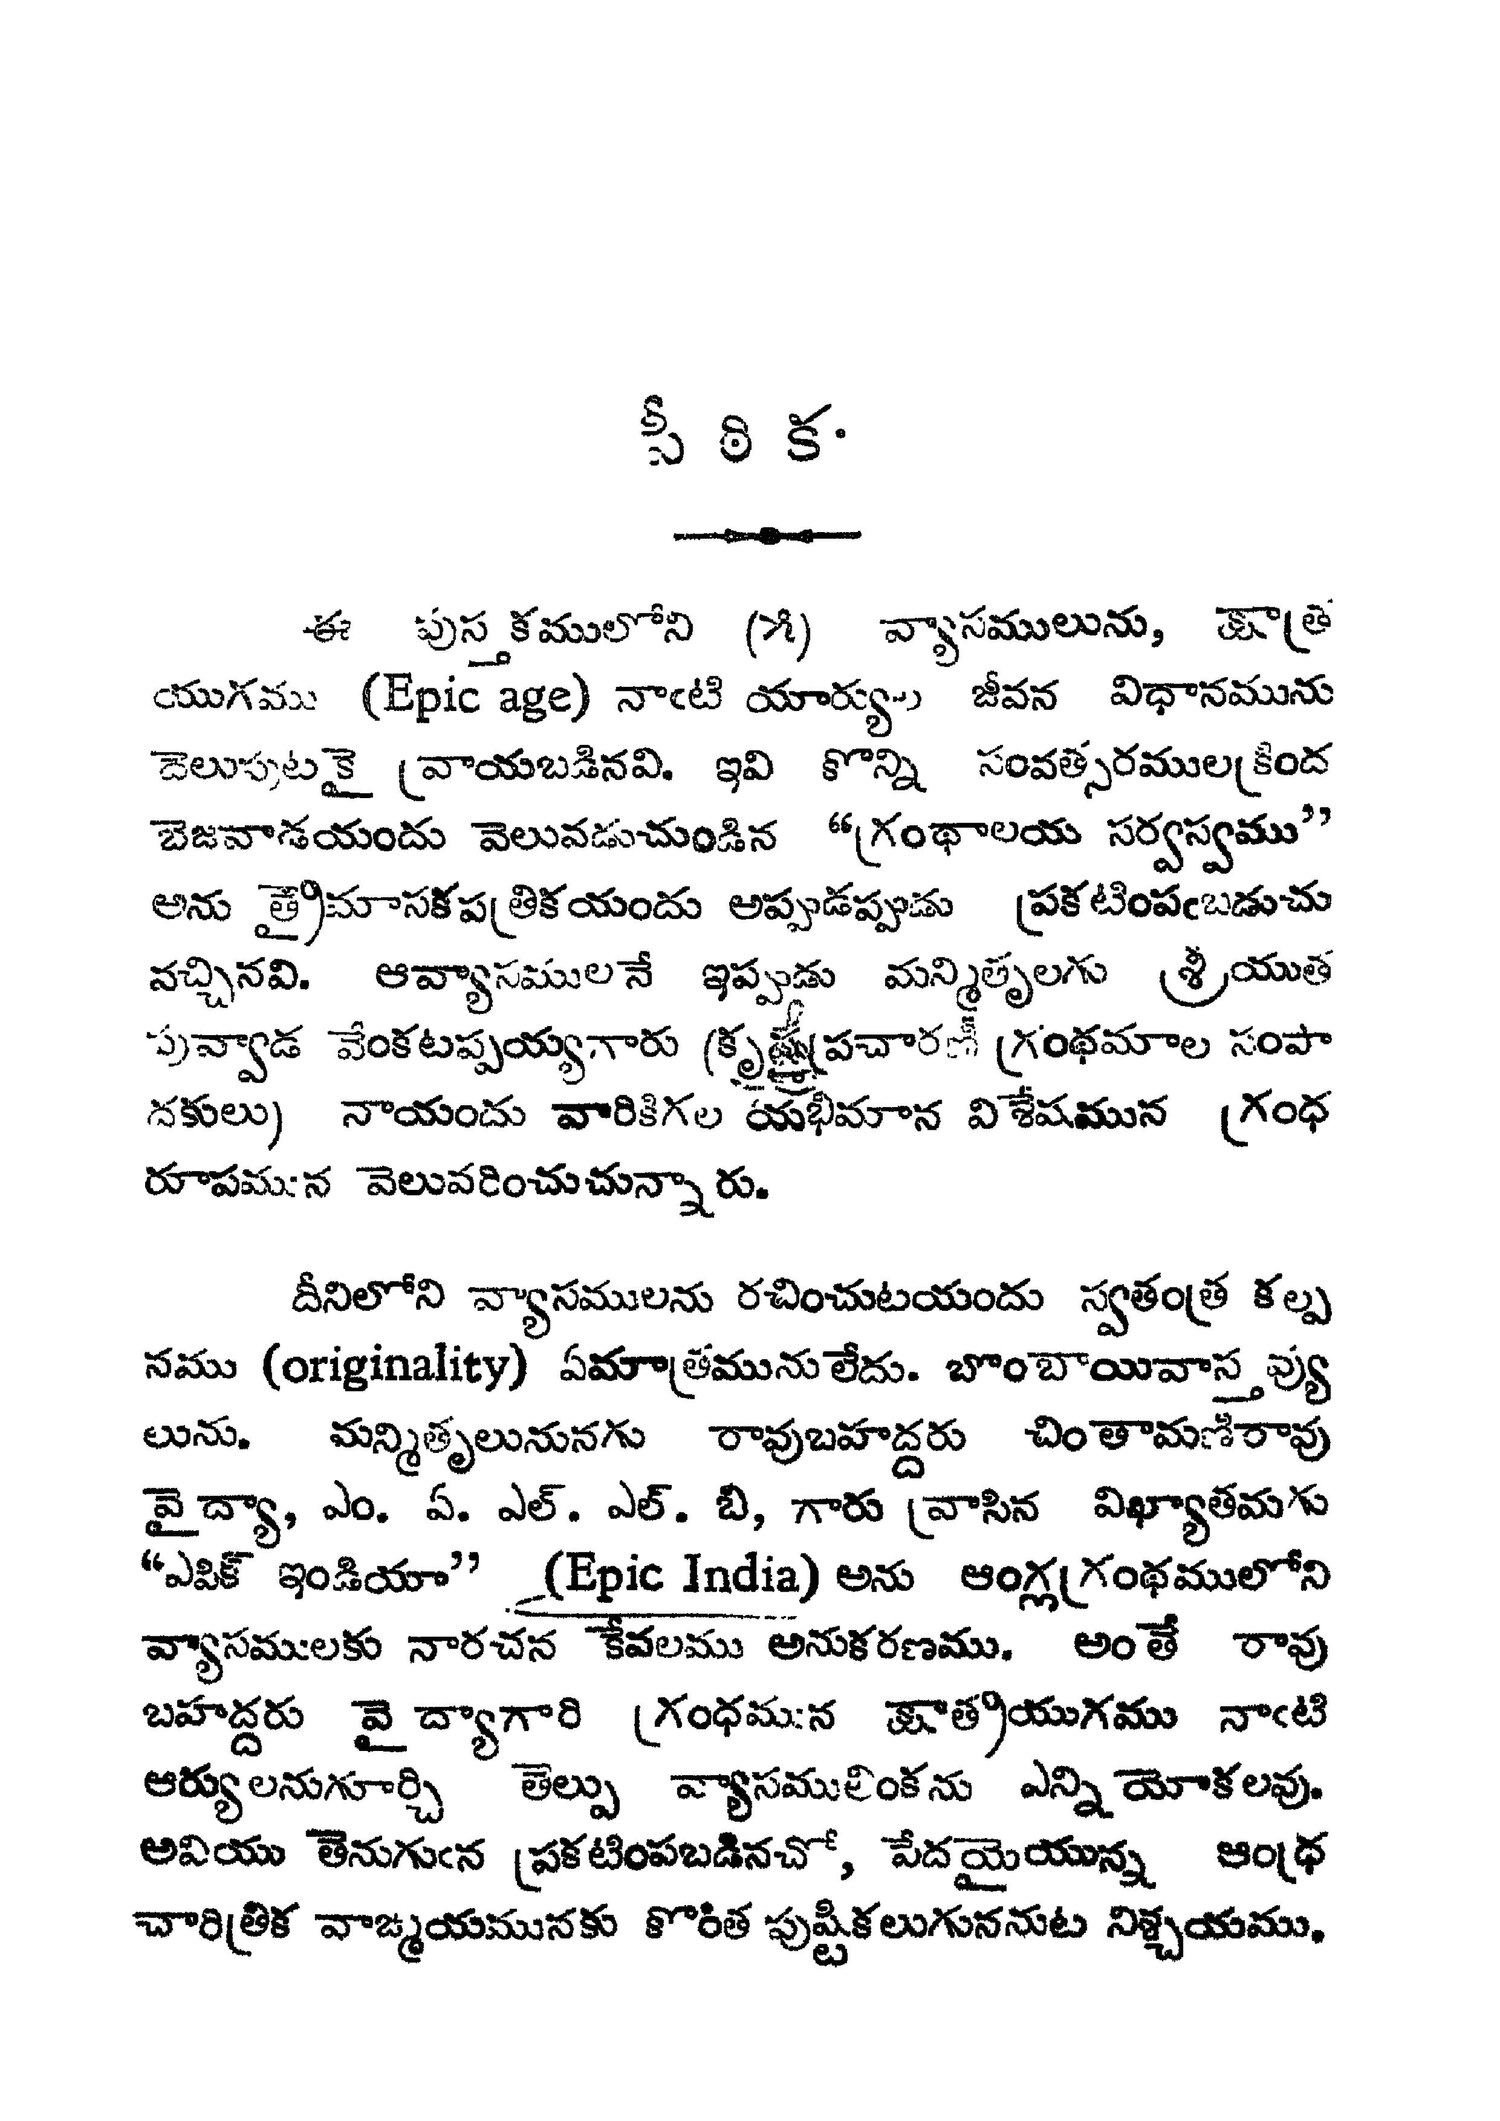పీఠిక

ఈ పుస్తకములోని (5) వ్యాసములును, క్షాత్రయుగము (Epic age) నాటి యార్యుల జీవన విధానమును దెలుపుటకై వ్రాయబడినవి. ఇవి కొన్ని సంవత్సరములక్రింద బెజవాడయందు వెలువడుచుండిన "గ్రంథాలయ సర్వస్వము" అను త్రైమాసకపత్రికయందు అప్పుడప్పుడు ప్రకటింపబడుచు వచ్చినవి. ఆవ్యాసములనే ఇప్పుడు మాన్వితృలగు శ్రీయుత పువ్వాడ వేంకటప్పయ్యగారు (కృష్ణ ప్రచారిణీ గ్రంథమాల సంపాదకులు) నాయందు వారికిగల యభిమాన విశేషమున గ్రంథరూపమున వెలువరించుచున్నారు.

దీనిలోని వ్యాసములను రచించుటయందు స్వతంత్ర కల్పనము (originality) ఏమాత్రమును లేదు. బొంబాయివాస్తవ్యులును, మన్వితృలునునగు రావుబహద్దరు చింతామణిరావు వైద్యా, ఎం. ఏ. ఎల్. ఎల్. బి., గారు వ్రాసిన విఖ్యాతమగు "ఎపిక్ ఇండియా" (Epic India) అను ఆంగ్లగ్రంథములోని వ్యాసములకు నారచన కేవలము అనుకరణము. అంతే రావుబహద్దరు వైద్యాగారి గ్రంథమున క్షాత్రయుగము నాటి ఆర్యులనుగూర్చి తెల్పు వ్యాసములింకను ఎన్నియోకలవు. అవియు తెనుగున ప్రకటింపబడినచో, పేదయైయున్న ఆంధ్ర చారిత్రక వాజ్మయమునకు కొంత పుష్టికలుగుననుట నిశ్చయము.